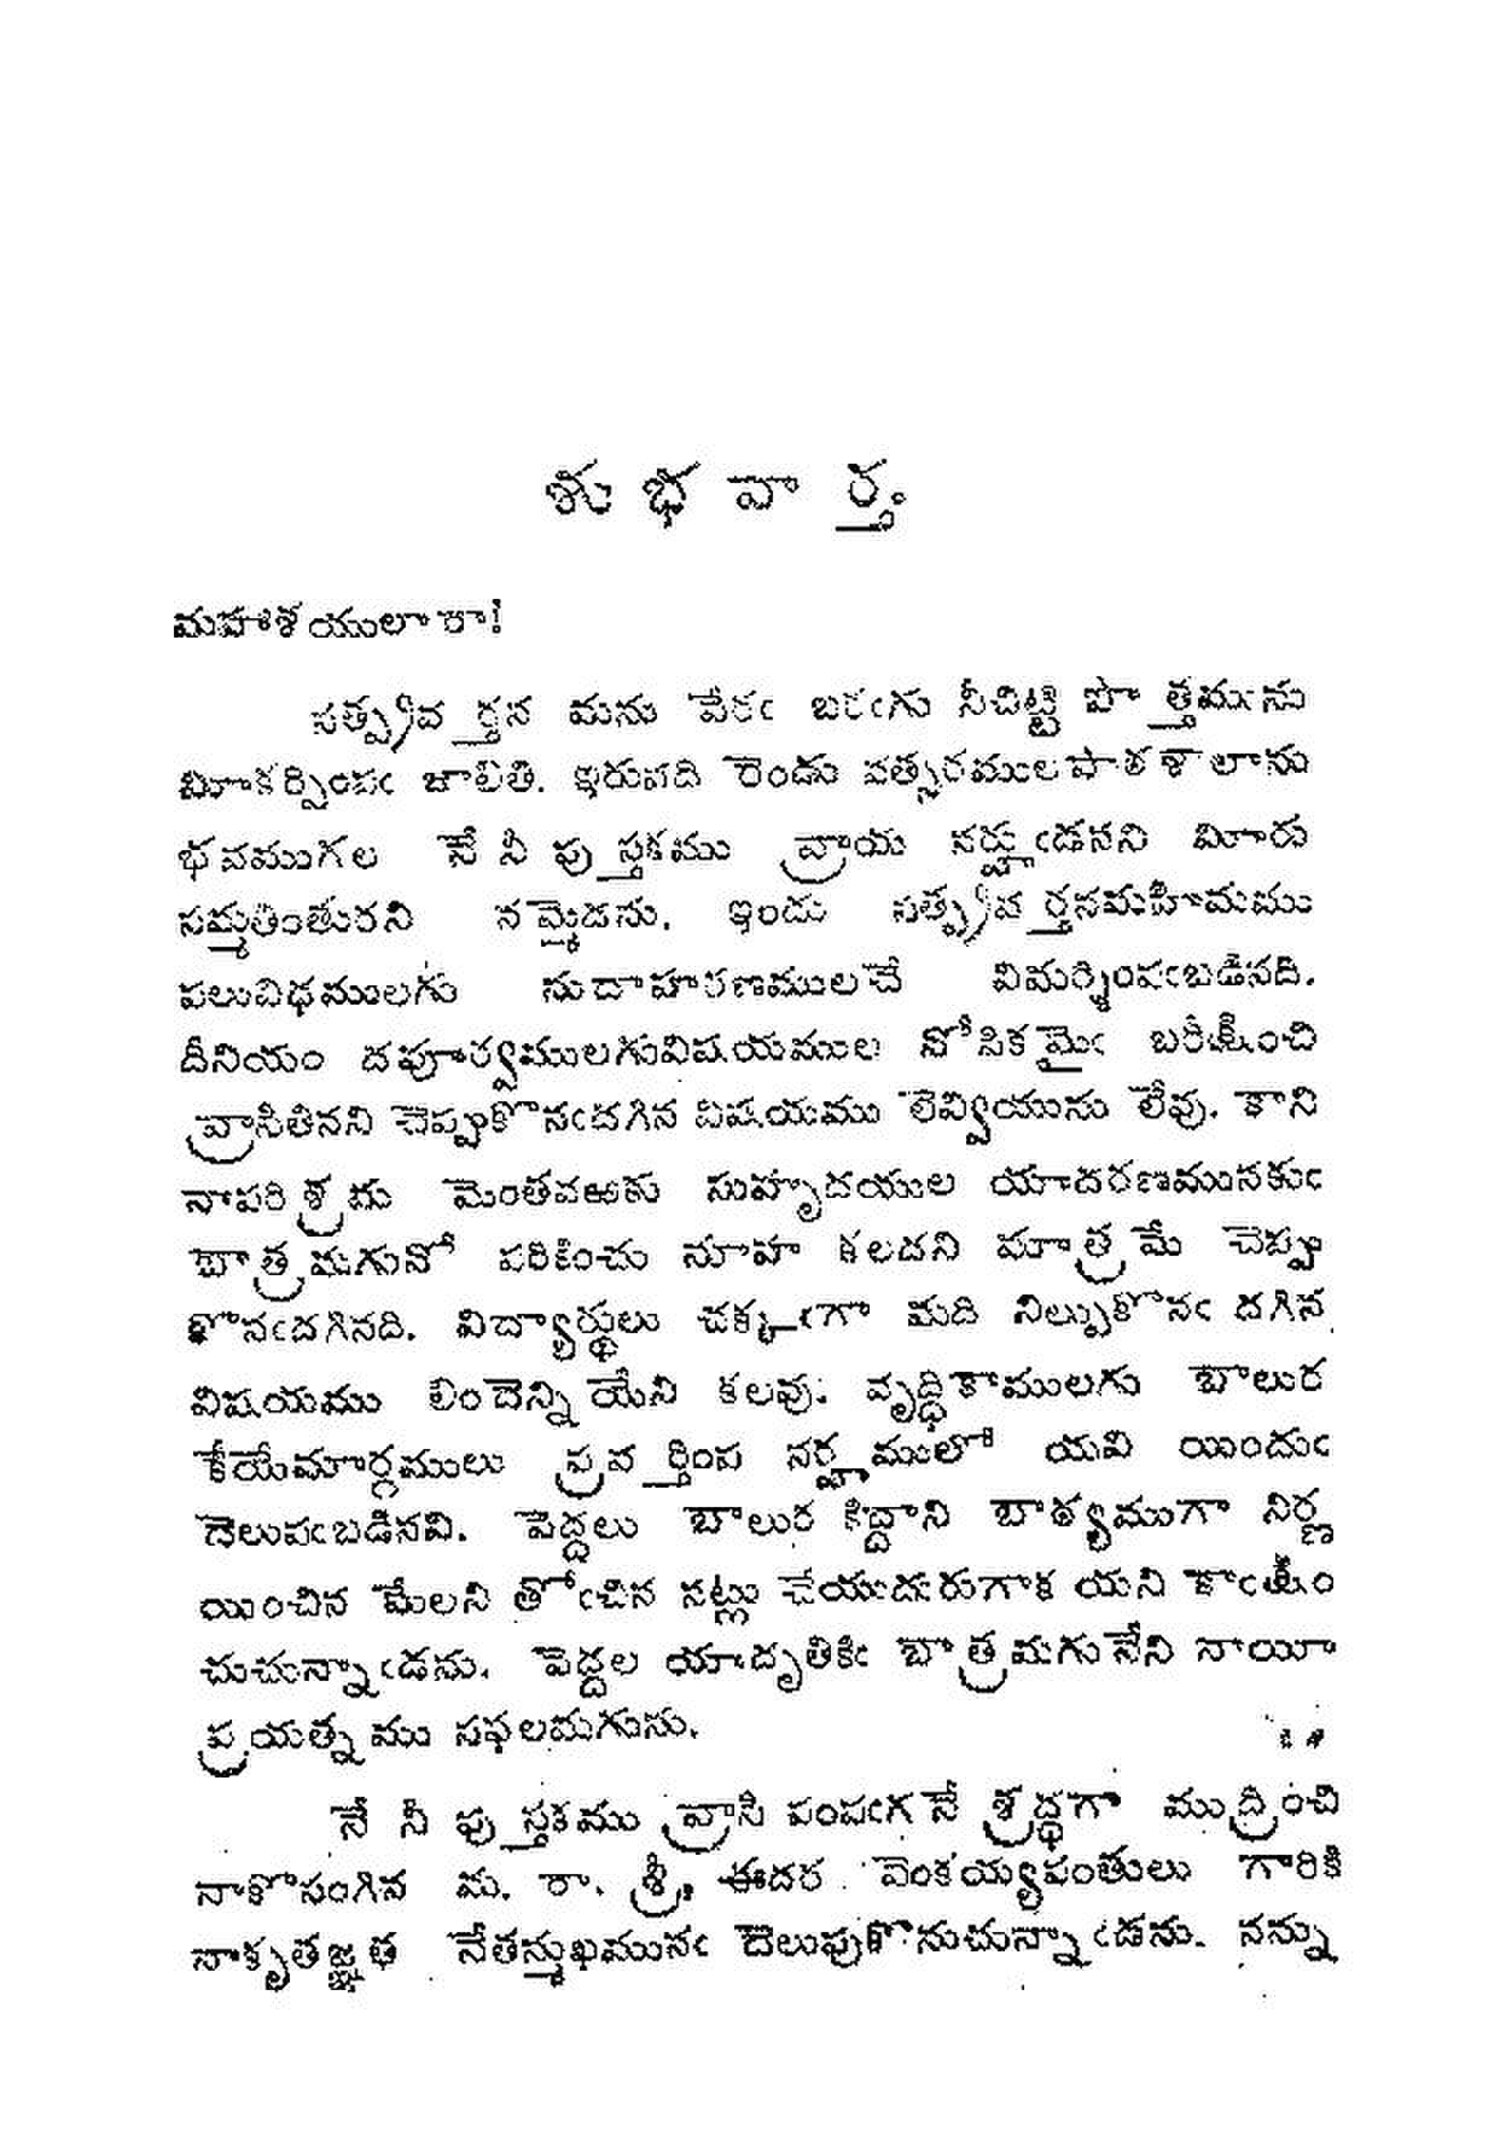మహాశయులారా!

సత్ప్రవర్తన మను పేరఁ బరఁగు నీచిట్టి పొత్తమును మీకర్పింపఁ జాలితి. ఇరువది రెండు వత్సరములపాఠశాలానుభవముగల నే నీ పుస్తకము వ్రాయ నర్హుఁడనని మీరు సమ్మతింతురని నమ్మెదను. ఇందు సత్ప్రవర్తనమహిమము పలువిధములగు నుదాహరణములచే విమర్శింపఁబడినది. దీనియం దపూర్వములగువిషయములు నోపికమైఁ బరీక్షించి వ్రాసితినని చెప్పుకొనఁదగిన విషయము లెవ్వియును లేవు. కాని నాపరిశ్రమ మెంతవఱకు సుహృదయుల యాదరణమునకుఁ బాత్రమగునో పరికించు నూహ కలదని మాత్రమే చెప్పుకొనఁదగినది. విద్యార్థులు చక్కఁగా మది నిల్పుకొనఁ దగిన విషయము లిందెదాన్నియేని కలవు. వృద్ధికాములగు బాలురకేయేమార్గములు ప్రవర్తింప నర్హములో యవి యిందుఁ దెలుపఁబడినవి. పెద్దలు బాలుర కిద్దాని బాఠ్యముగా నిర్ణయించిన మేలని తోఁచిన నట్లు చేయుదురుగా యని కాంక్షించుచున్నాఁడను. పెద్దల యాదృతికిఁ బాత్రమగునేని నాయీ ప్రయత్నము సఫలమగును.

నే నీ పుస్తకము వ్రాసి పంపఁగనే శ్రద్ధగా ముద్రించి నాకొసంగిన మ. రా. శ్రీ ఈదర వెంకయ్యపంతులు గారికి నాకృతజ్ఞత నేతనుఖమునఁ దెలుపుకొనుచున్నాఁడను. నన్ను